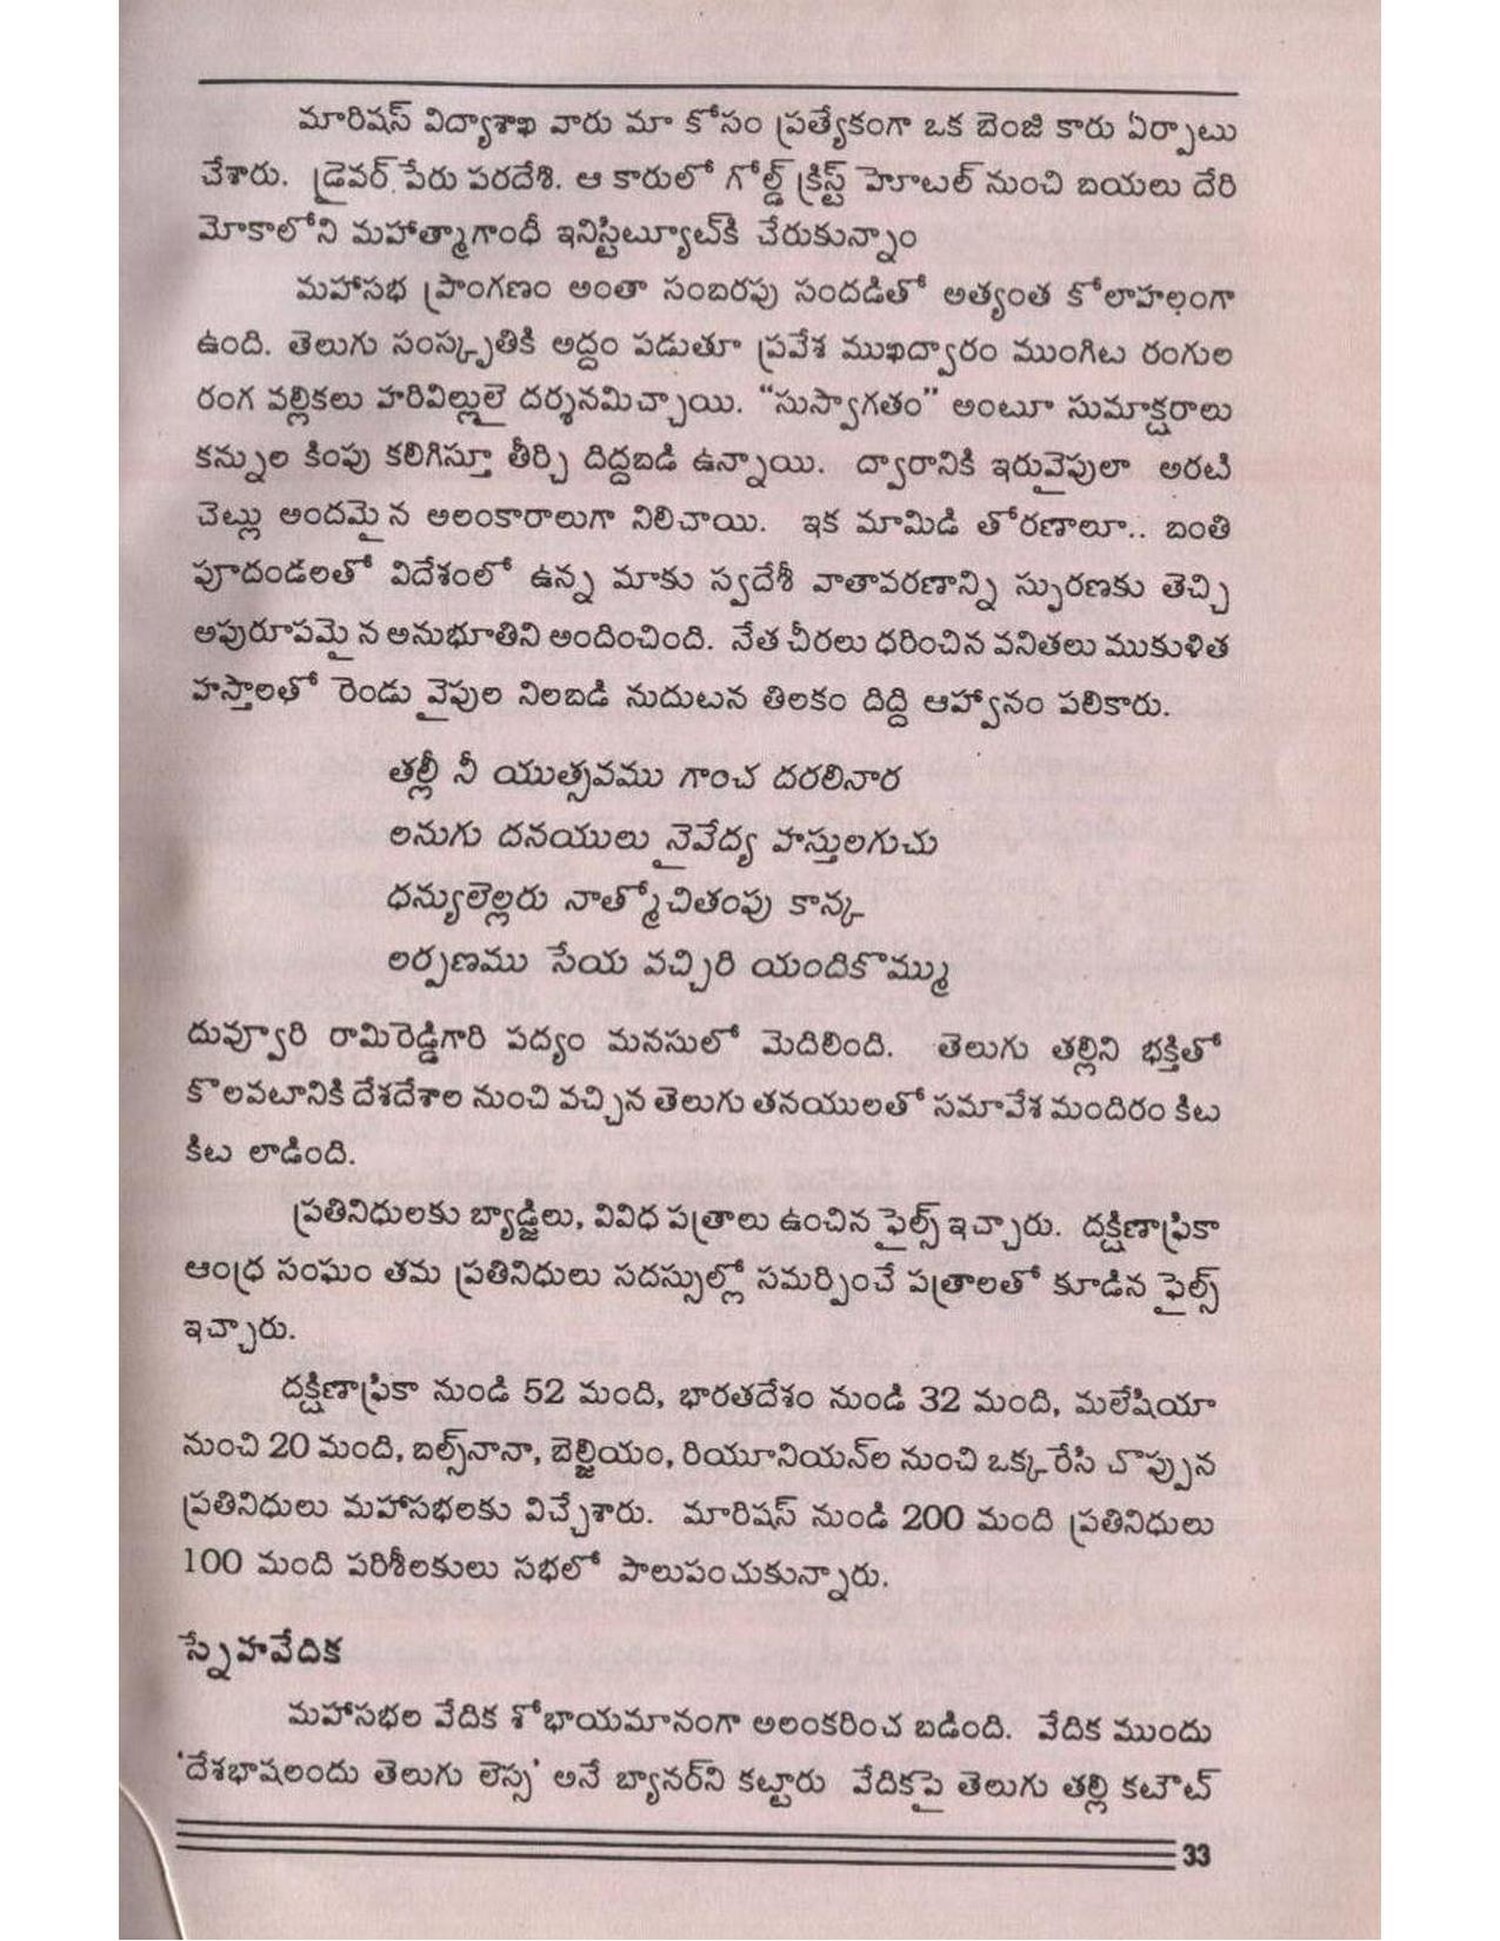మారిషస్ విద్యాశాఖ వారు మా కోసం ప్రత్యేకంగా ఒక బెంజి కారు ఏర్పాటు చేశారు. డ్రైవర్ పేరు పరదేశి. ఆ కారులో గోల్డ్ క్రిస్ట్ హోటల్ నుంచి బయలుదేరి మోకాలోని మహాత్మాగాంధీ ఇనిస్టిట్యూట్‌కి చేరుకున్నాం

మహాసభ ప్రాంగణం అంతా సంబరపు సందడిలో అత్యంత కోలాహలంగా ఉంది. తెలుగు సంస్కృతికి అద్దం పడుతూ ప్రవేశ ముఖద్వారం ముంగిట రంగుల రంగ వల్లికలు హరివిల్లులై దర్శనమిచ్చాయి. "సుస్వాగతం" అంటూ సుమాక్షరాలు కన్నుల కింపు కలిగిస్తూ తీర్చి దిద్దదిడి ఉన్నాయి. ద్వారానికి ఇరువైపులా అరటి చెట్లు అందమైన ఆలంకారాలుగా నిలిచాయి. ఇక మామిడి తోరణాలూ.. బంతి పూదండలతో విదేశంలో ఉన్న మాకు స్వదేశీ వాతావరణాన్ని స్పురణకు తెచ్చి అపురూపమైన అనుభూతిని అందించింది. నేత చీరలు దరించిన వనితలు ముకుళిత హస్తాలతో రెండువైపుల నిలబడి నుదుటన తిలకం దిద్ది ఆహ్వానం పలికారు.

దువ్వూరి రామిరెడ్డిగారి పద్యం మనసులో మెదిలింది. తెలుగు తల్లిని భక్తితో కొలవటానికి దేశదేశాల నుంచి వచ్చిన తెలుగు తనయులతో సమావేశ మందిరం కిట కిట లాడింది.

ప్రతినిధులకు బ్యాడ్జిలు, వివిధ పత్రాలు ఉంచిన ఫైల్స్ ఇచ్చారు. దక్షిణాఫ్రికా ఆంధ్ర సంఘం తమ ప్రతినిధులు సదస్సుల్లో సమర్పించే పత్రాలతో కూడిన ఫైల్స్ ఇచ్చారు.

దక్షిణాఫ్రికా నుండి 52 మంది, భారతదేశం నుండి 32 మంది, మలేషియా నుంచి 20 మంది, బల్స్ నానా, బెల్జియం, రియూనియన్ల నుంచి ఒక్కరేసి చొప్పున ప్రతినిధులు మహాసభలకు విచ్చేశారు. మారిషస్ నుండి 200 మంది ప్రతినిధులు 100 మంది పరిశీలకులు సభలో పాలుపంచుకున్నారు.

స్నేహవేదిక

మహాసభల వేదిక శోభాయమానంగా అలంకరించ బడింది. వేదిక ముందు దేశభాషలందు తెలుగు లెస్స' అనే బ్యానర్ని కట్టారు వేదికపై తెలుగు తల్లి కటౌట్